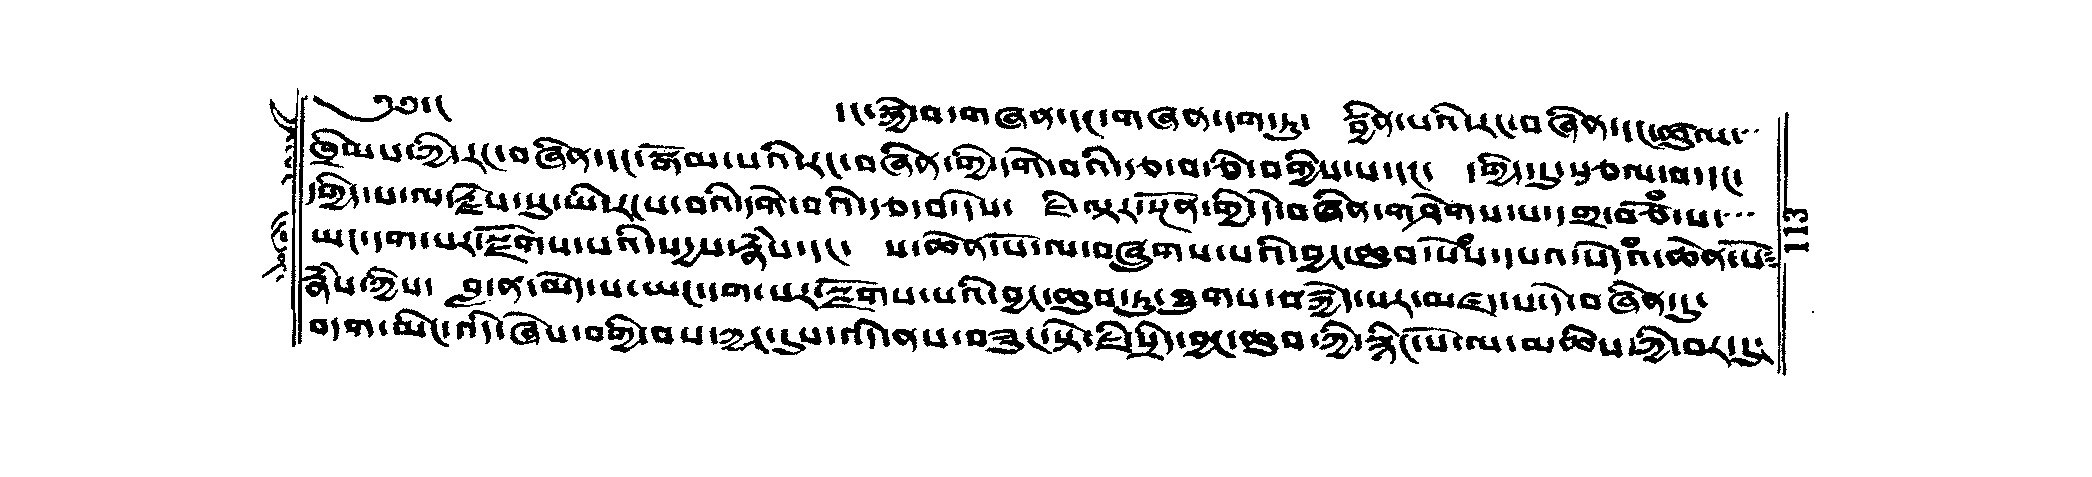དང་སྐྱེ་བ་གཞན་དང་གཞན་དག་ཏུ། སྦྱིན་པའི་རང་བཞིན་དང་ཚུལ་
ཁྲིམས་ཀྱི་རང་བཞིན་དང་སྒོམ་པའི་རང་བཞིན་གྱི་དགེ་བའི་རྩ་བ་ཅི་བགྱིས་པ་དང་། དགྱིད་དུ་སྩལ་བ་དང་། 
དགྱིད་པ་ལ་རྗེས་སུ་ཡི་རངས་བའི་དགེ་བའི་རྩ་བ་དེས། ཇི་ཏལར་སྔོན་གྱི་དེ་བཞིན་གཤེགས་པ་དགྲ་བཅོམ་པ་
ཡང་དག་པར་རྫོགས་པའི་སངས་རྒྱས་རྣམས་དང་། ས་ཆེན་པོ་ལ་བཞུགས་པའི་བྱང་ཆུབ་སེམས་དཔའ་སེམས་དཔའ་ཆེན་པོ་
རྣམས་ཀྱིས། བླ་ན་མེད་པ་ཡང་དག་པར་རྫོགས་པའི་བྱང་ཆུབ་ཏུ་ཐུགས་བསྐྱེད་པར་མཛད་པ་དེ་བཞིན་དུ་
བདག་མིང་འདི་ཞེས་བགྱི་བས་ཀྱང་དུས་འདི་ནས་བཟུང་སྟེ་ཇི་སྲིད་བྱང་ཆུབ་ཀྱི་སྙིང་པོ་ལ་མཆིས་ཀྱི་བར་དུ་